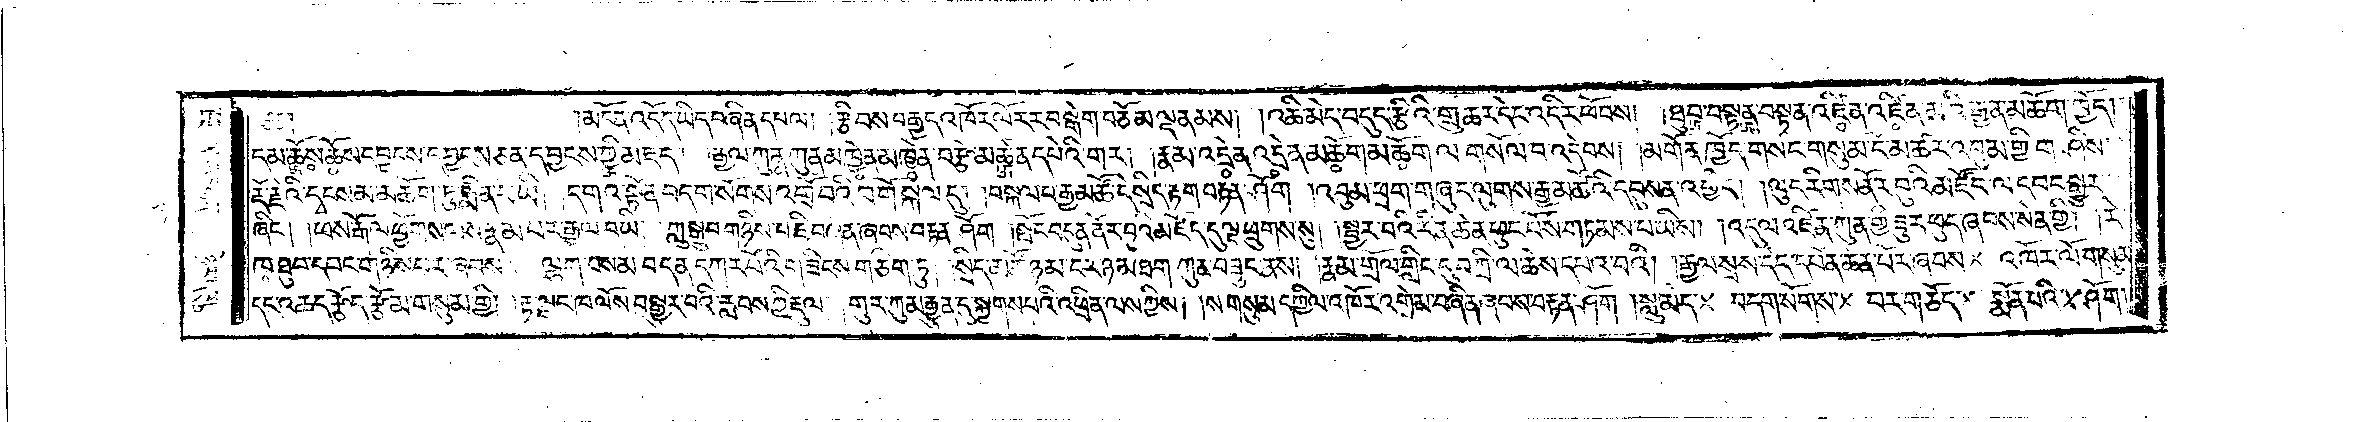༄༅། །མངོན་འདོད་ཡིད་བཞིན་དཔལ། །རྩིབས་བརྒྱད་འཁོར་ལོར་རབ་སྒེག་བཅོམ་ལྡན་མས། །འཆི་མེད་བདུད་རྩིའི་གྲུ་ཆར་དེང་འདིར་ཕོབས། །ཐུབ་བསྟན་བསྟན་འཛིན་འཛིན་མའི་རྒྱན་མཆོག་ཁྱོད།
དམ་ཆོས་ཆོས་དབྱངས་དབྱངས་ཅན་དབྱངས་ཀྱི་མཛོད། །རྒྱལ་ཀུན་ཀུན་མཁྱེན་མཁྱེན་བརྩེ་མཚན་དཔེའི་གར། །རྣམ་འདྲེན་འདྲེན་མཆོག་མཆོག་ལ་གསོལ་བ་འདེབས། །མགོན་ཁྱོད་གསང་གསུམ་ངོ་མཚར་འབུམ་གྱི་གཤིས།
རྡོ་རྗེའི་དྭངས་མ་མཆོག་ཏུ་སྨིན་པ་ཡི། །དགའ་སྟོན་བདག་སོགས་འགྲོ་བའི་བགོ་སྐལ་དུ། །བསྐལ་བ་རྒྱ་མཚོ་དེ་སྲིད་རྟག་བརྟན་ཤོག །འབུམ་ཕྲག་གཞུང་ལུགས་རྒྱ་མཚོའི་དབུས་ན་འགྱིང་། །ལུང་རིས་ནོར་བུའི་མཛོད་ལ་དབང་སྒྱུར་
ཞིང༑ ༑ཕས་རྒོལ་ཕྱོགས་ལས་རྣམ་པར་རྒྱལ་བ་ཡི། །ཀླུ་སྒྲུབ་གཉིས་པ་ཇི་བཞིན་ཞབས་བརྟན་ཤོག །སྤོང་བདུན་ནོར་བུའི་མཛོད་དུ་ལྔ་ཕྲུགས་སུ། །སྦྱར་བའི་རིན་ཆེན་ཕུང་པོས་གཏམས་པ་ཡིས། །འདུལ་འཛིན་ཀུན་གྱི་ཟུར་ཕུད་ཞབས་སེན་གྱི། །རེ་
ཁ་ཐབ་དབང་གཉིས་པར་ཞབས་྾་ལྷག་བསམ་བདན་དཀར་པོའི་གཟིངས་གཅིག་ཏུ། །སྲིད་མཚོ་ཉམ་ངར་ཉམ་ཐག་ཀུན་བཟུང་ནས། །རྣམ་བྲོལ་གླིང་དུ་བཀྲི་ལ་ཆེས་དཔའ་བའི། །རྒྱལ་སྲས་དེད་དཔོན་ཆེན་པོར་ཞབས་྾་འཁོར་ལོ་གསུམ་
དང་འཆད་རྩོད་རྩོམ་གསུམ་གྱི། །རྟ་ལྗང་ཁ་ལོས་བསྒྱུར་བའི་རླབས་ཀྱི་རྡུལ། །གུར་ཀུམ་རྒྱུན་དུ་སྐྱུགས་པའི་འཕྲིན་ལས་ཀྱིས། །ས་གསུམ་དཀྱིལ་འཁོར་འགྲེམ་བཞིན་ཞབས་བརྟན་ཤོག །སླུ་མེད་྾་བདག་སོགས་྾་བར་གཅོད་྾་སྨོན་པའི་྾་ཤོག །